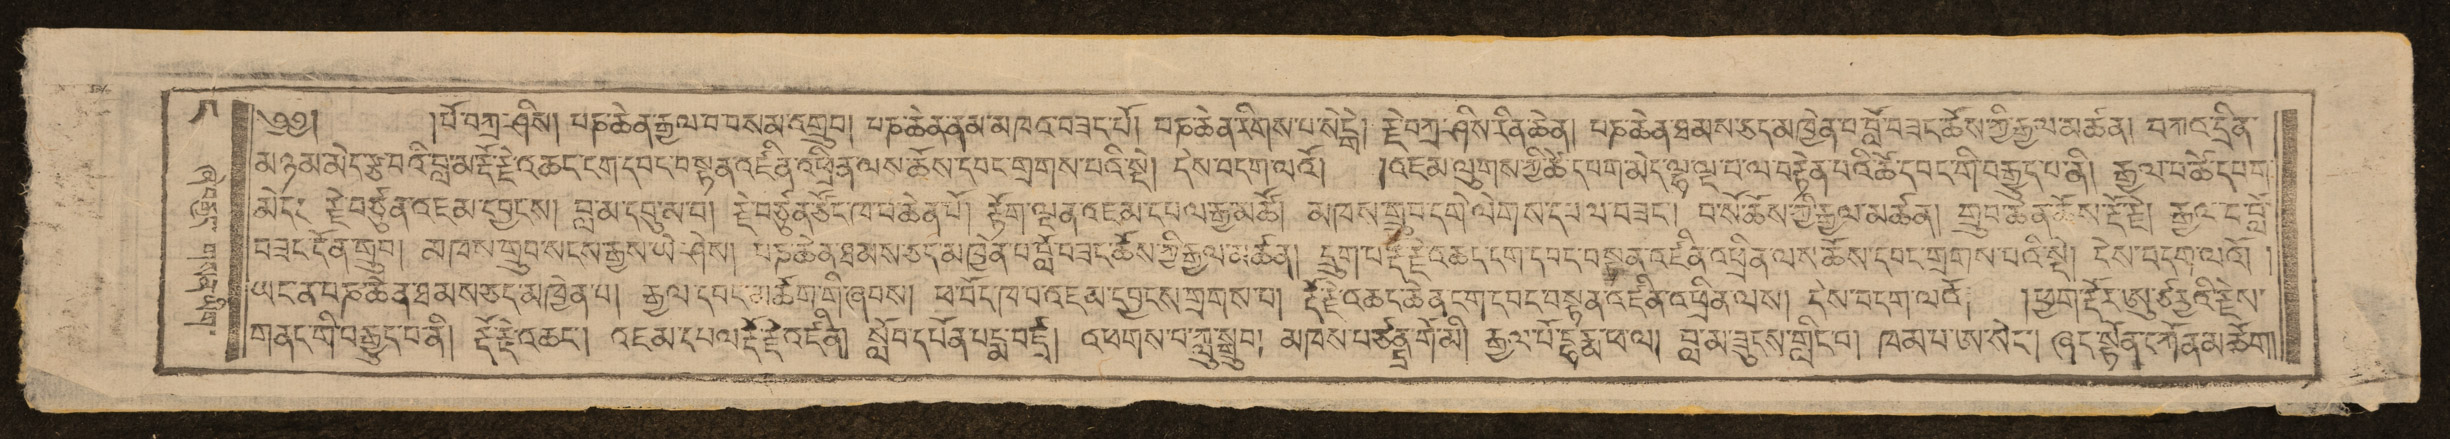༄༅། །བོ་བཀྲ་ཤིས། པཎ་ཆེན་རྒྱལ་བ་བསམ་འགྲུབ། པཎ་ཆེན་ནམ་མཁའ་བཟང་པོ། པཎ་ཆེན་རིགས་པ་སེངྒེ། རྗེ་བཀྲ་ཤིས་རིན་ཆེན། པཎ་ཆེན་ཐམས་ཅད་མཁྱེན་པ་བློ་བཟང་ཆོས་ཀྱི་རྒྱལ་མཚན། བཀའ་དྲིན་
མཉམ་མེད་རྩ་བའི་བླ་མ་རྡོ་རྗེ་འཆང་ངག་དབང་བསྟན་འཛིན་འཕྲིན་ལས་ཆོས་དབང་གྲགས་པའི་སྡེ། དེས་བདག་ལའོ། །འཇམ་ལུགས་ཀྱི་ཚེ་དཔག་མེད་ལྷ་ལྔ་བ་ལ་བརྙེན་པའི་ཚེ་དབང་གི་བརྒྱུད་པ་ནི། རྒྱལ་བ་ཚེ་དཔག་
མེད༑ རྗེ་བཙུན་འཇམ་དབྱངས། བླ་མ་དབུ་མ་པ། རྗེ་བཙུན་ཙོང་ཁ་པ་ཆེན་པོ། རྟོག་ལྡན་འཇམ་དཔལ་རྒྱ་མཚོ། མཁས་གྲུབ་དགེ་ལེགས་དཔལ་བཟང་། བ་སོ་ཆོས་ཀྱི་རྒྱལ་མཚན། གྲུབ་ཆེན་ཆོས་རྡོ་རྗེ། རྒྱལ་བ་བློ་
བཟང་དོན་གྲུབ། མཁས་གྲུབ་སངས་རྒྱས་ཡེ་ཤེས། པཎ་ཆེན་ཐམས་ཅད་མཁྱེན་པ་བློ་བཟང་ཆོས་ཀྱི་རྒྱལ་མཚན། དྲུག་པ་རྡོ་རྗེ་འཆང་ངག་དབང་བསྟན་འཛིན་འཕྲིན་ལས་ཆོས་དབང་གྲགས་པའི་སྡེ། དེས་བདག་ལའོ། །
ཡང་ན་པཎ་ཆེན་ཐམས་ཅད་མཁྱེན་པ། རྒྱལ་དབང་མཆོག་གི་ཞབས། ཕ་བོང་ཁ་བ་འཇམ་དབྱངས་གྲགས་པ། རྡོ་རྗེ་འཆང་ཆེན་ངག་དབང་བསྟན་འཛིན་འཕྲིན་ལས། དེས་བདག་ལའོ། །ཕྱག་རྡོར་ཨུ་ཙརྱའི་རྗེས་
གནང་གི་བརྒྱུད་པ་ནི། རྡོ་རྗེ་འཆང་། འཇམ་དཔལ་རྡོ་རྗེ་འཛིན། སློབ་དཔོན་པདམ་བཛྲ། འཕགས་པ་ཀླུ་སྒྲུབ། མཁས་པ་ཙནྡྲ་གོ་མི། རྒྱལ་པོ་དྷརྨ་ཕལ། བླ་མ་ཟུངས་གླིང་བ། ཁམ་པ་ཨ་སེང་། ཞད་སྟོན་དཀོན་མཆོག།